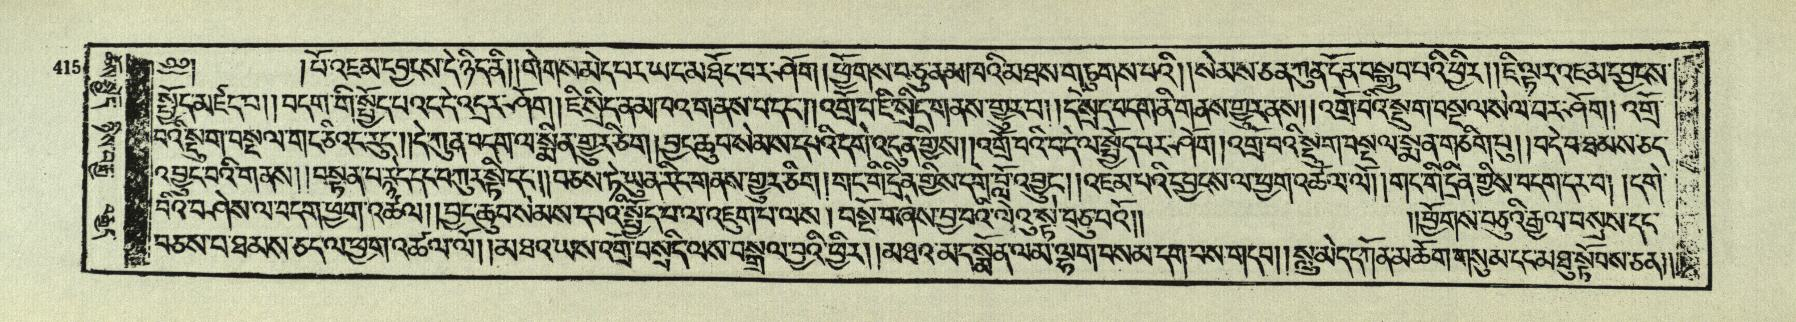༄༅། །པོ་འཇམ་དབྱངས་དེ་ཉིད་ནི། །གེགས་མེད་པར་ཡང་མཐོང་བར་ཤོག །ཕྱོགས་བཅུ་ནམ་ཁའི་མཐས་གཏུགས་པའི། །སེམས་ཅན་ཀུན་དོན་བསྒྲུབ་པའི་ཕྱིར། །ཇི་ལྟར་འཇམ་དབྱངས་
སྤྱོད་མཛད་པ། །བདག་གི་སྤྱོད་པའང་དེ་འདྲར་ཤོག །ཇི་སྲིད་ནམཁའ་གནས་པ་དང་། །འགྲོ་བ་ཇི་སྲིད་གནས་གྱུར་པ། །དེ་སྲད་བདག་ནི་གནས་གྱུར་ནས། །འགྲོ་བའི་སྡུག་བསྔལ་སེལ་བར་ཤོག །འགྲོ་
བའི་སྡུག་བསྔལ་གང་ཅིའང་རུང་། །དེ་ཀུན་བདག་ལ་སྨིན་གྱུར་ཅིག །བྱང་ཆུབ་སེམས་དཔའི་དགེ་འདུན་གྱིས། །འགྲོ་བའི་བདེ་ལ་སྤྱོད་པར་ཤོག །འགྲོ་བའི་སྡུག་བསྔལ་སྨན་གཅིག་པུ། །བདེ་བ་ཐམས་ཅད་
འབྱུང་བའི་གནས། །བསྟན་པ་རྙེད་དང་བཀུར་སྟི་དང་། །བཅས་ཏེ་ཡུན་རིང་གནས་གྱུར་ཅིག །གང་གི་དྲིན་གྱིས་དགེ་བློ་འབྱུང་། །འཇམ་པའི་དབྱངས་ལ་ཕྱག་འཚལ་ལོ། །གང་གི་དྲིན་གྱིས་བདག་དར་བ། །དགེ་
བའི་བཤེས་ལ་བདག་ཕྱག་འཚལ། །བྱང་ཆུབ་སེམས་དཔའི་སྤྱོད་པ་ལ་འཇུག་པ་ལས། བསྔོ་བ་ཞེས་བྱ་བའི་ལེའུ་སྟེ་བཅུ་པའོ།། །།ཕྱོགས་བཅུའི་རྒྱལ་བ་སྲས་དང་
བཅས་པ་ཐམས་ཅད་ལ་ཕྱག་འཚལ་ལོ། །མཐའ་ཡས་འགྲོ་བ་སྲིད་ལས་བསྒྲལ་བྱའི་ཕྱིར། །མཐའ་མད་སྨོན་ལམ་ལྷག་བསམ་དག་པས་གདབ། །སླུ་མེད་དཀོན་མཆོག་གསུམ་དང་མཐུ་སྟོབས་ཅན།།